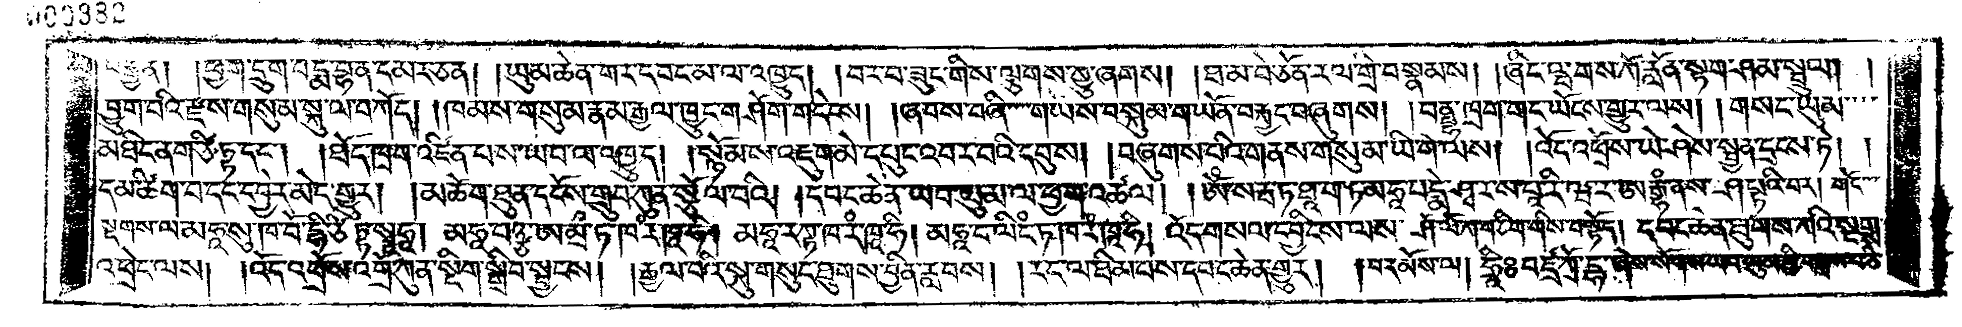བརྒྱན། །ཕྱག་དྲུག་པདམ་བྷན་དམར་ཅན། །ཡུམ་ཆེན་གར་དབང་མ་ལ་འཁྱུད། །བར་བ་ཟུང་གིས་ལྕགས་ཀྱུ་ཞགས། །ཐ་མ་བེ་ཅོན་རལ་གྲི་བསྣམས། །ཞིང་ལྦགས་ཀོ་རློན་སྟག་ཤམ་སྦྲུལ། །
བྱུག་བའི་རྫས་གསུམ་སྐུ་ལ་བཀོད། །ཁམས་གསུམ་རྣམ་རྒྱལ་ཁྱུང་གཤོག་གདེངས། །ཞབས་བཞི་གཡས་བསྐུམ་གཡོན་བརྐྱང་བཞུགས། །བནྡྷ་ཁྲག་གང་ཡོངས་གྱུར་ལས། །གསང་ཡུམ་
མཐིང་ནག་ཙིཏྟ་དང་། །ཐོད་ཁྲག་འཛིན་པས་ཡབ་ལ་འཁྱུད། །སྙོམས་འཇུག་མེ་དཔུང་འབར་བའི་དབུས། །བཞུགས་པའི་གནས་གསུམ་ཡི་གེ་ལས། །འོད་འཕྲོས་ཡེ་ཤེས་སྤྱན་དྲངས་ཏེ། །
དམ་ཚིག་པ་དང་དབྱེར་མེད་གྱུར། །མཆོག་ཐུན་དངོས་གྲུབ་ཀུན་སྩོལ་བའི། །དབང་ཆེན་ཡབ་ཡུམ་ལ་ཕྱག་འཚལ། །ཨོཾ་སརྦ་ཏ་ཐཱ་ག་ཏ་མཧཱ་པདམེ་ཤྭ་ར་ས་པཱ་རི་ཝ་ར་ཨརྒྷཾ་ནས་ཤཔྟའི་བར། གོང་
སྔགས་ལ་མཧཱ་སུ་ཁ་བོ་དྷི་ཙི་ཏྟ་སྭཱཧཱ། མཧཱ་པཉྩ་ཨ་མྲྀ་ཏ་ཁ་རཾ་ཁཱ་ཧི། མཧཱ་རཀྟ་ཁ་རཾ་ཁཱ་ཧི། མཧཱ་བ་ལིངཾ་ཏ་ཁ་རཾ་ཁཱ་ཧི། འོད་གསལ་དབྱིངས་ལས་ཤོ་ལོ་ཀ་གཅིག་གིས་བསྟོད།  དབང་ཆེན་ཐུགས་ཀའི་སྔགས་
འཕྲེང་ལས། །འོད་འཕྲོས་འགྲོ་ཀུན་སྡིག་སྒྲིབ་སྦྱངས། །རྒྱལ་བའི་སྐུ་གསུང་ཐུགས་བྱིན་རླབས། །རང་ལ་ཐིམ་པས་དབང་ཆེན་གྱུར། ། བར་མོས་ལ།  ཧྲཱིཿ བཛྲ་ཀྲོ་དྷ་ཞེས་སོགས་ཡབ་ཡུམ་གྱི་བཟླས་པ་ཅི་